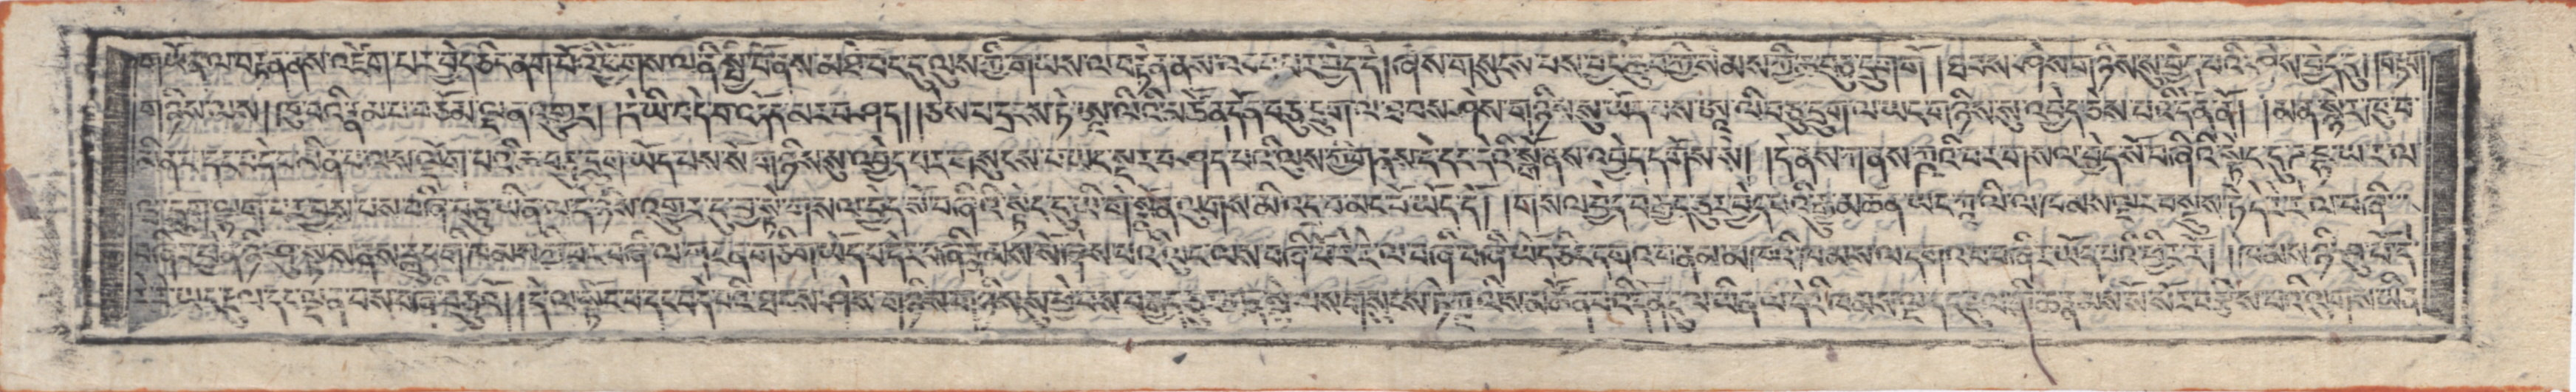གཡོན་ལ་བརྟེན་ནས་འཛེག་པར་བྱེད་ཅིང་ནག་པོའི་ཕྱོགས་ལ་ནི་སྤྱི་བོ་ནས་མཐེ་བོང་དུ་ལུས་ཀྱི་གཡས་ལ་བརྟེན་ནས་འབབ་པར་བྱེད་དེ། ཞེས་གསུངས་པས་བྱང་ཆུབ་ཀྱི་སེམས་ཀྱི་ཆ་བཅུ་དྲུག་གོ །ཐབས་ཤེས་གཉིས་སུ་བྱེད་པའི་ཤེས་བྱེད་དུ། །བརྟག་
གཉིས་ལས། ཁུ་བའི་རྣམ་པ་བཅོམ་ལྡན་འགྱུར། །དེ་ཡི་བདེ་བ་འདོད་མར་བཤད། །ཅེས་པ་དྲངས་ཏེ་ཨཱ་ལིའི་མཚོན་དོན་བཅུ་དྲུག་ལ་ཐབས་ཤེས་གཉིས་སུ་ཡོད་པས་ཨཱ་ལི་བཅུ་དྲུག་ལ་ཡང་གཉིས་སུ་འབྱེད་ཅེས་པའི་དོན་ནོ། །མན་སྙེར་ཁུ་བ་
མིན་པ་དང་བདེ་བ་མིན་པ་ལས་ལྡོག་པའི་ཆ་བཅུ་དྲུག་ཡོད་པས་སོ་གཉིས་སུ་འབྱེད་པར་གསུངས་པ་ཡང་སྔར་བཤད་པའི་ལུས་ཀྱི་གནས་དེ་དང་དེའི་སྒོ་ནས་འབྱེད་དགོས་སོ། །དེ་ནས་ཀ་ནས་ཀྵའི་བར་གསལ་བྱེད་སོ་བཞིའི་སྟེང་དུ་ཌྡྷ་ཡ་ར་ལ་
ཝ་དྲུག་ལྷག་པར་བྱས་པས་བཞི་བཅུ་ཡིན་ལ་དེ་ཉིས་འགྱུར་དུ་བྱ་སྟེ་གསལ་བྱེད་སོ་བཞིའི་སྟེང་དུ་ཡི་གེ་སྣོན་ལུགས་མི་འདྲ་བ་མང་པོ་ཡོད་དོ། །གསལ་བྱེད་བརྒྱད་ཅུར་བྱེད་པའི་རྒྱུ་མཚན་ཡང་ཀཱ་ལི་ལ་ཁམས་ལྔར་བསྡུས་ཏེ་དེ་རེ་རེ་ལ་བཞི་
བཞིར་ཕྱེ་ན་ཉི་ཤུ་སྟེ་ས་ནས་རླུང་གི་ཁམས་ཀྱི་བར་བཞི་ལ་གང་ན་གཅིག་ཡོད་པ་དེར་བཞི་རྣམས་སོ་ཞེས་པའི་ལུང་ལས་བཞི་པོ་རེ་རེ་ལ་བཞི་བཞི་ཡོད་ཅིང་དགའ་བ་ནམ་མཁའི་ཁམས་ལ་དགའ་བ་བཞིར་ཡོད་པའི་ཕྱིར་རོ། །ཁམས་ཉི་ཤུ་པོ་དེ་
རེ་རེ་ཡང་རྡུལ་དང་ལྡན་པས་བཞི་བཅུའོ། །དེ་ལ་སྟོང་པ་དང་བདེ་བའི་ཐབས་ཤེས་གཉིས་གཉིས་སུ་ཕྱེ་བས་བརྒྱད་ཅུར་མན་སྙེ་ལས་གསུངས་ཏེ་ཀཱ་ལིས་མཚོན་པའི་དོན་རྡུལ་ཡིན་ལ་དེའི་ཁམས་ལྔ་དང་རྡུལ་གྱི་ཆ་རྣམས་སོ་སོར་བརྩིས་པའི་ལུགས་ཡིན་